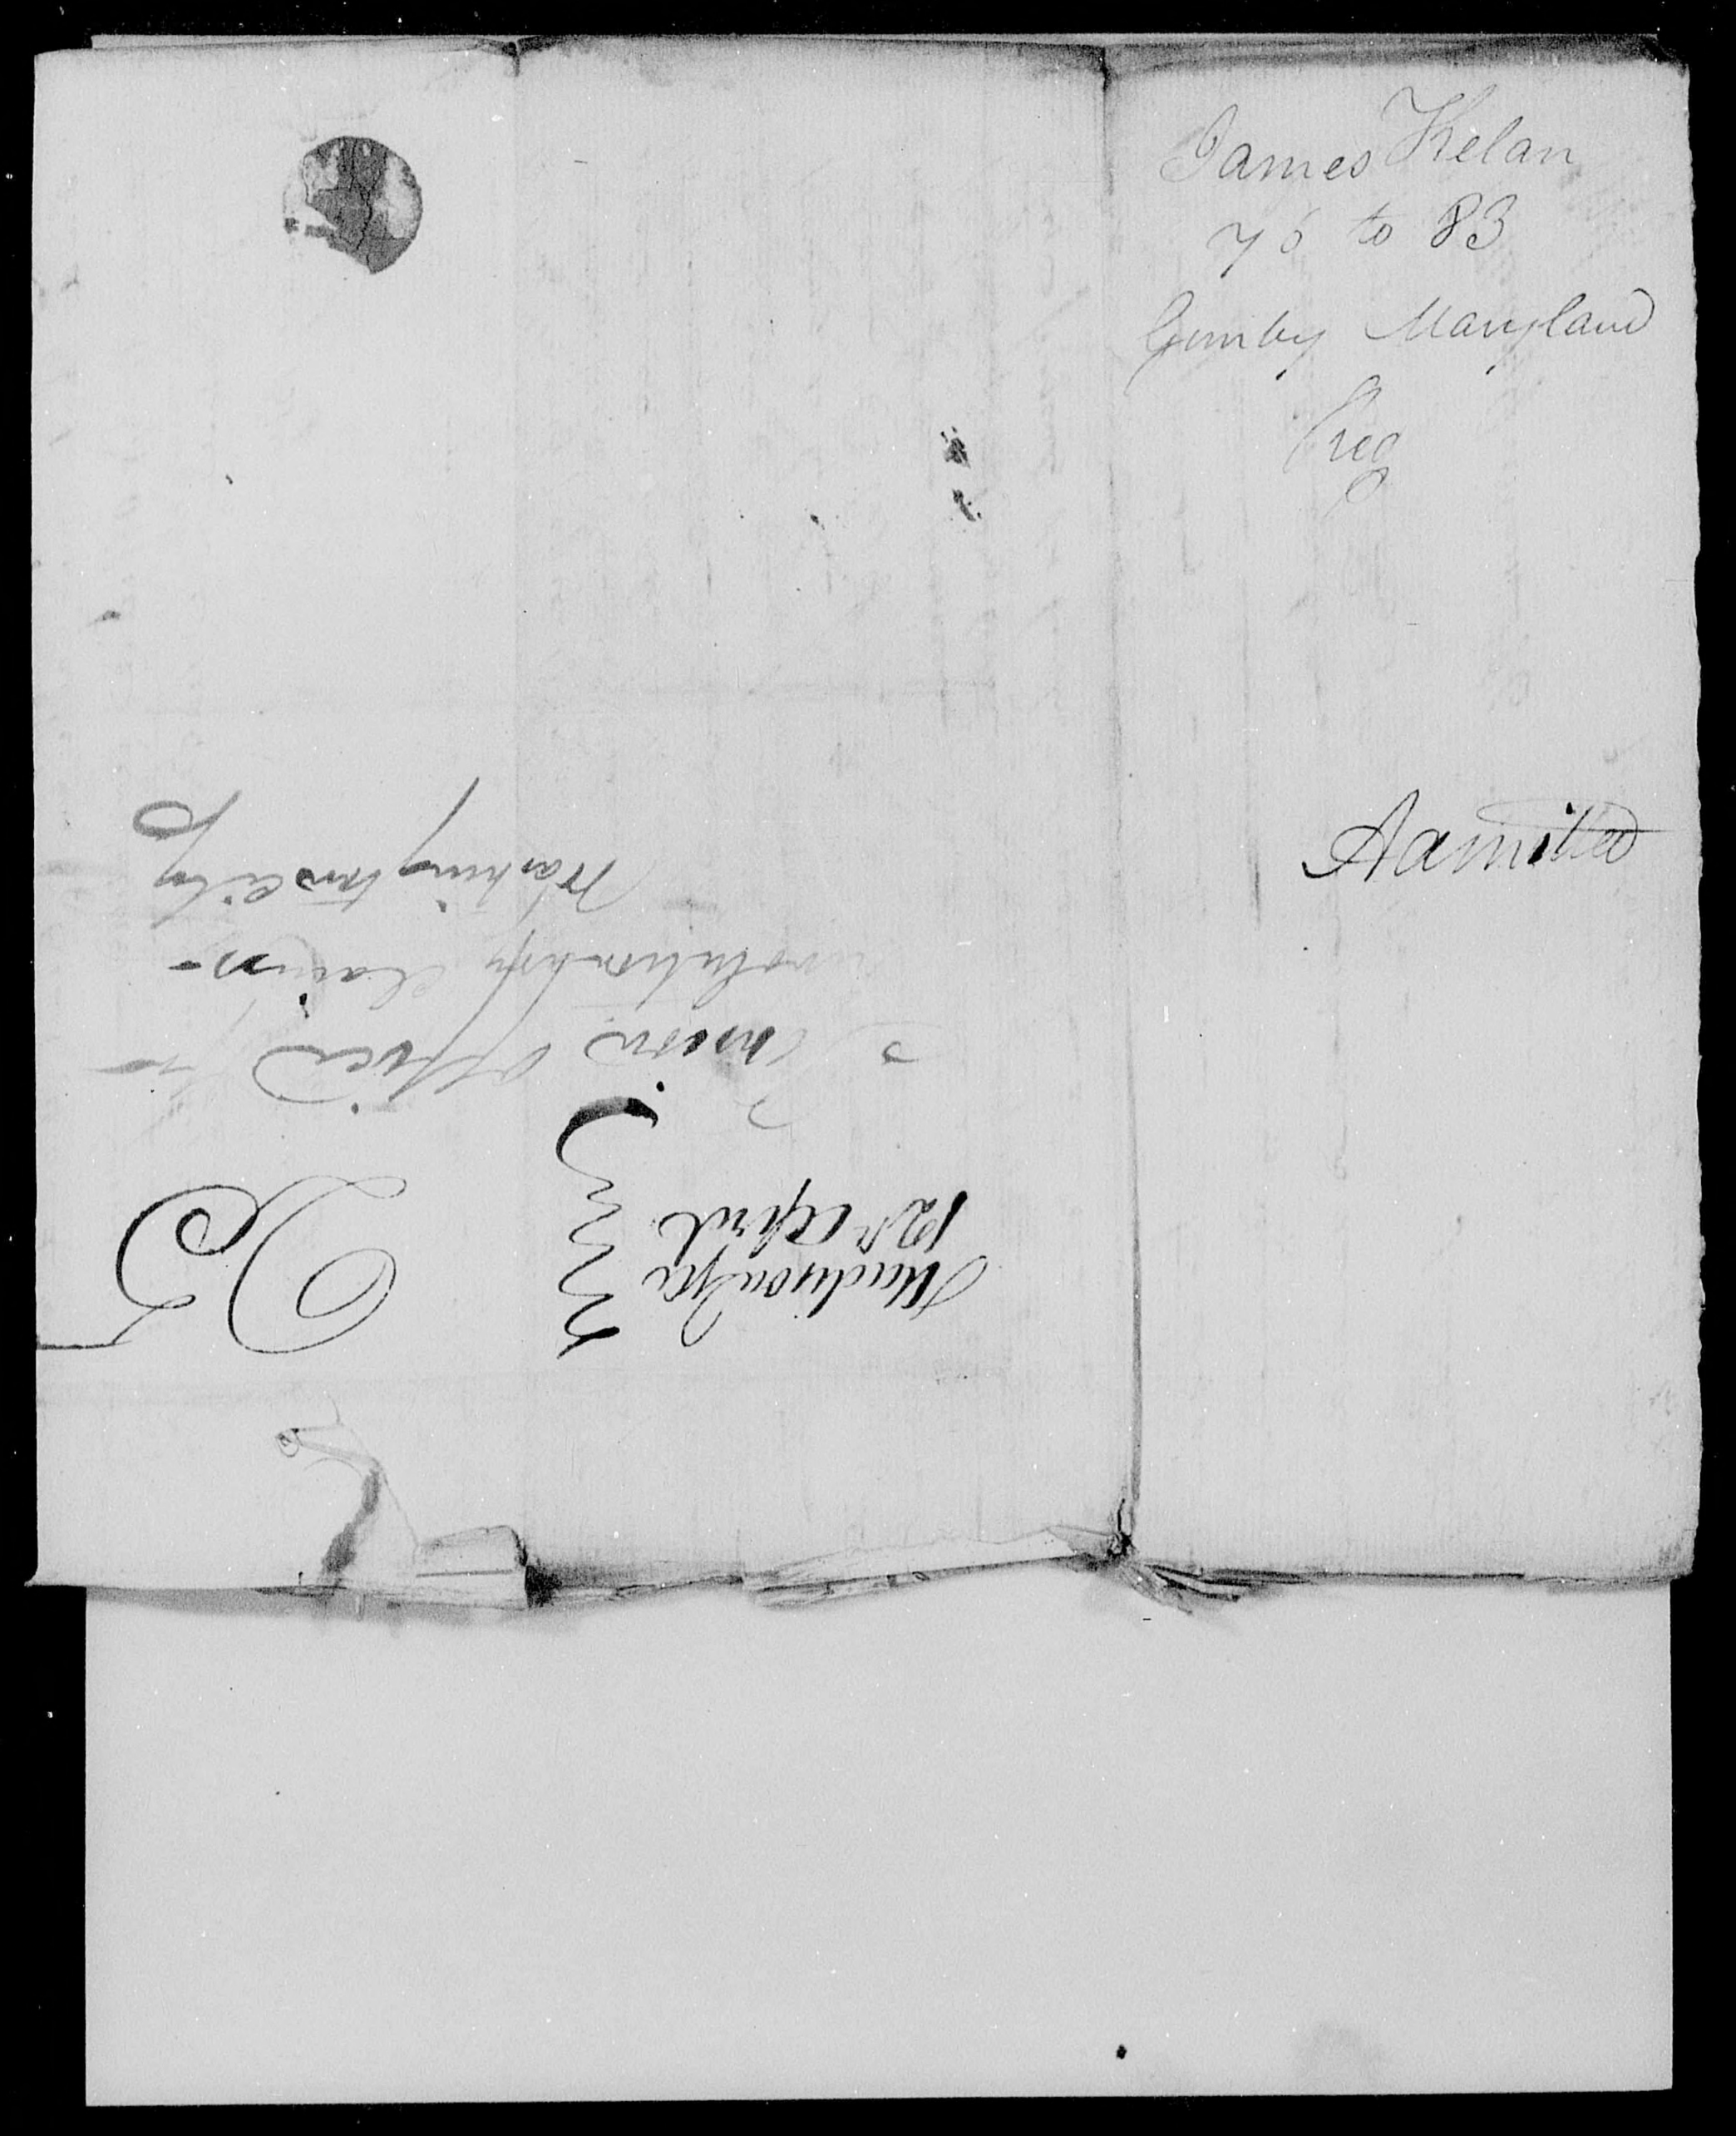Left Side Page

Madison Va
25
12th April

Pension Office
Revolutionary Claims
Washington City

Right Side Page

James Kelan
76 to 83
Gumby Maryland

Admitted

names: James Kelan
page: 6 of 16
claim: survivor's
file: S. 38110, for James Keelan, Maryland